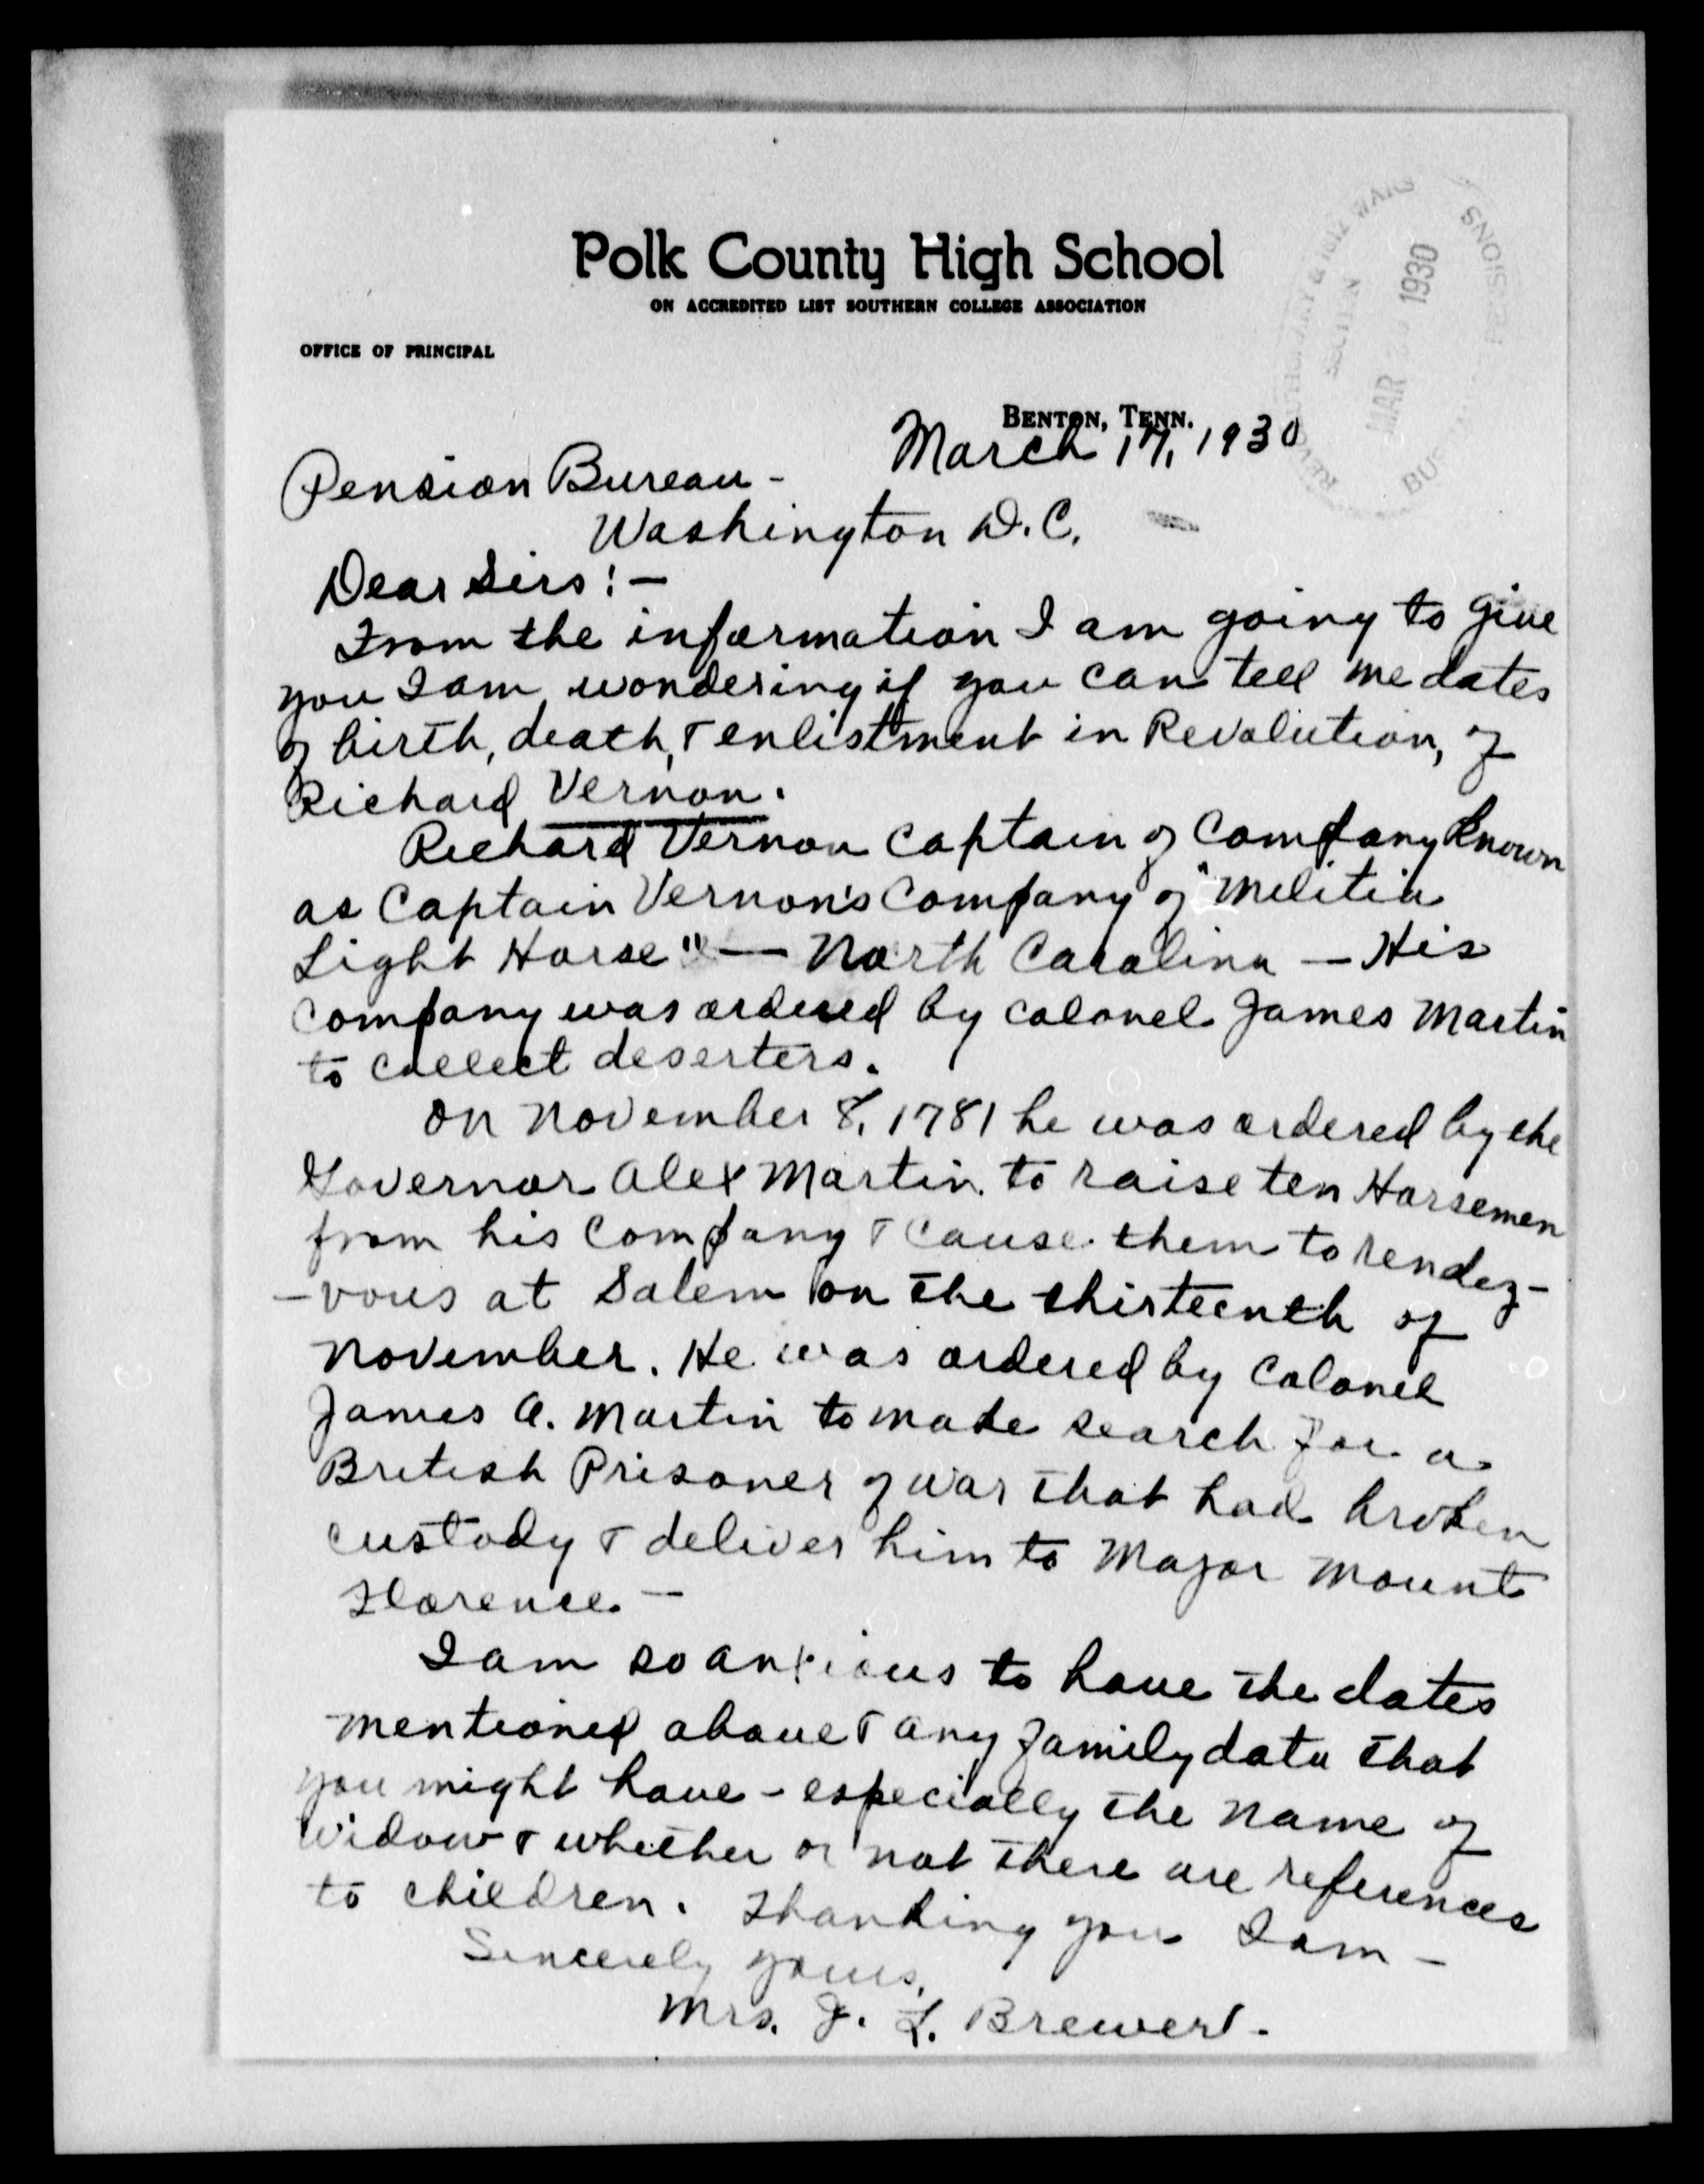Polk County High School
ON ACCREDITED LIST SOUTHERN COLLEGE ASSOCIATION
OFFICE OF PRINCIPAL
BENTON, TENN.

[stamped] REVOLUTIONARY & 1812 WARS SECTION MAR 30 1930
BUREAU OF PENSIONS

March 17, 1930
Pension Bureau – 
Washington D. C.

Dear Sirs: -
From the information I am going to give you I am wondering if you can tell me dates of birth, death, reenlistment in Revolution of Richard Vernon.
Richard Vernon Captain of Company known as Captain Vernon’s Company of “Militia Light Horse” – North Carolina – His company was ordered by Colonel James Martin to collect deserters.
On November 8, 1781 he was ordered by the Governor Alex Martin to raise the Horsemen from his company & cause them to rendezvous at Salem on the thirteenth of November. He was ordered by Colonel James A. Martin to make search for a British Prisoner of war that had broken custody & deliver him to Major Mount Florence – 
I am so anxious to have the dates mentioned above & any family data that you might have – especially the name of widow & whether or not there are references to children. Thanking you  I am – 
Sincerely yours,
Mrs. J. L. Brewer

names: Richard Vernon, James Martin, Mount Florence, James A Martin, Richard Vernon, J L Brewer, Alex Martin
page: 92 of 105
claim: survivor's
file: S. 1883, Richard Vernon, N.C.